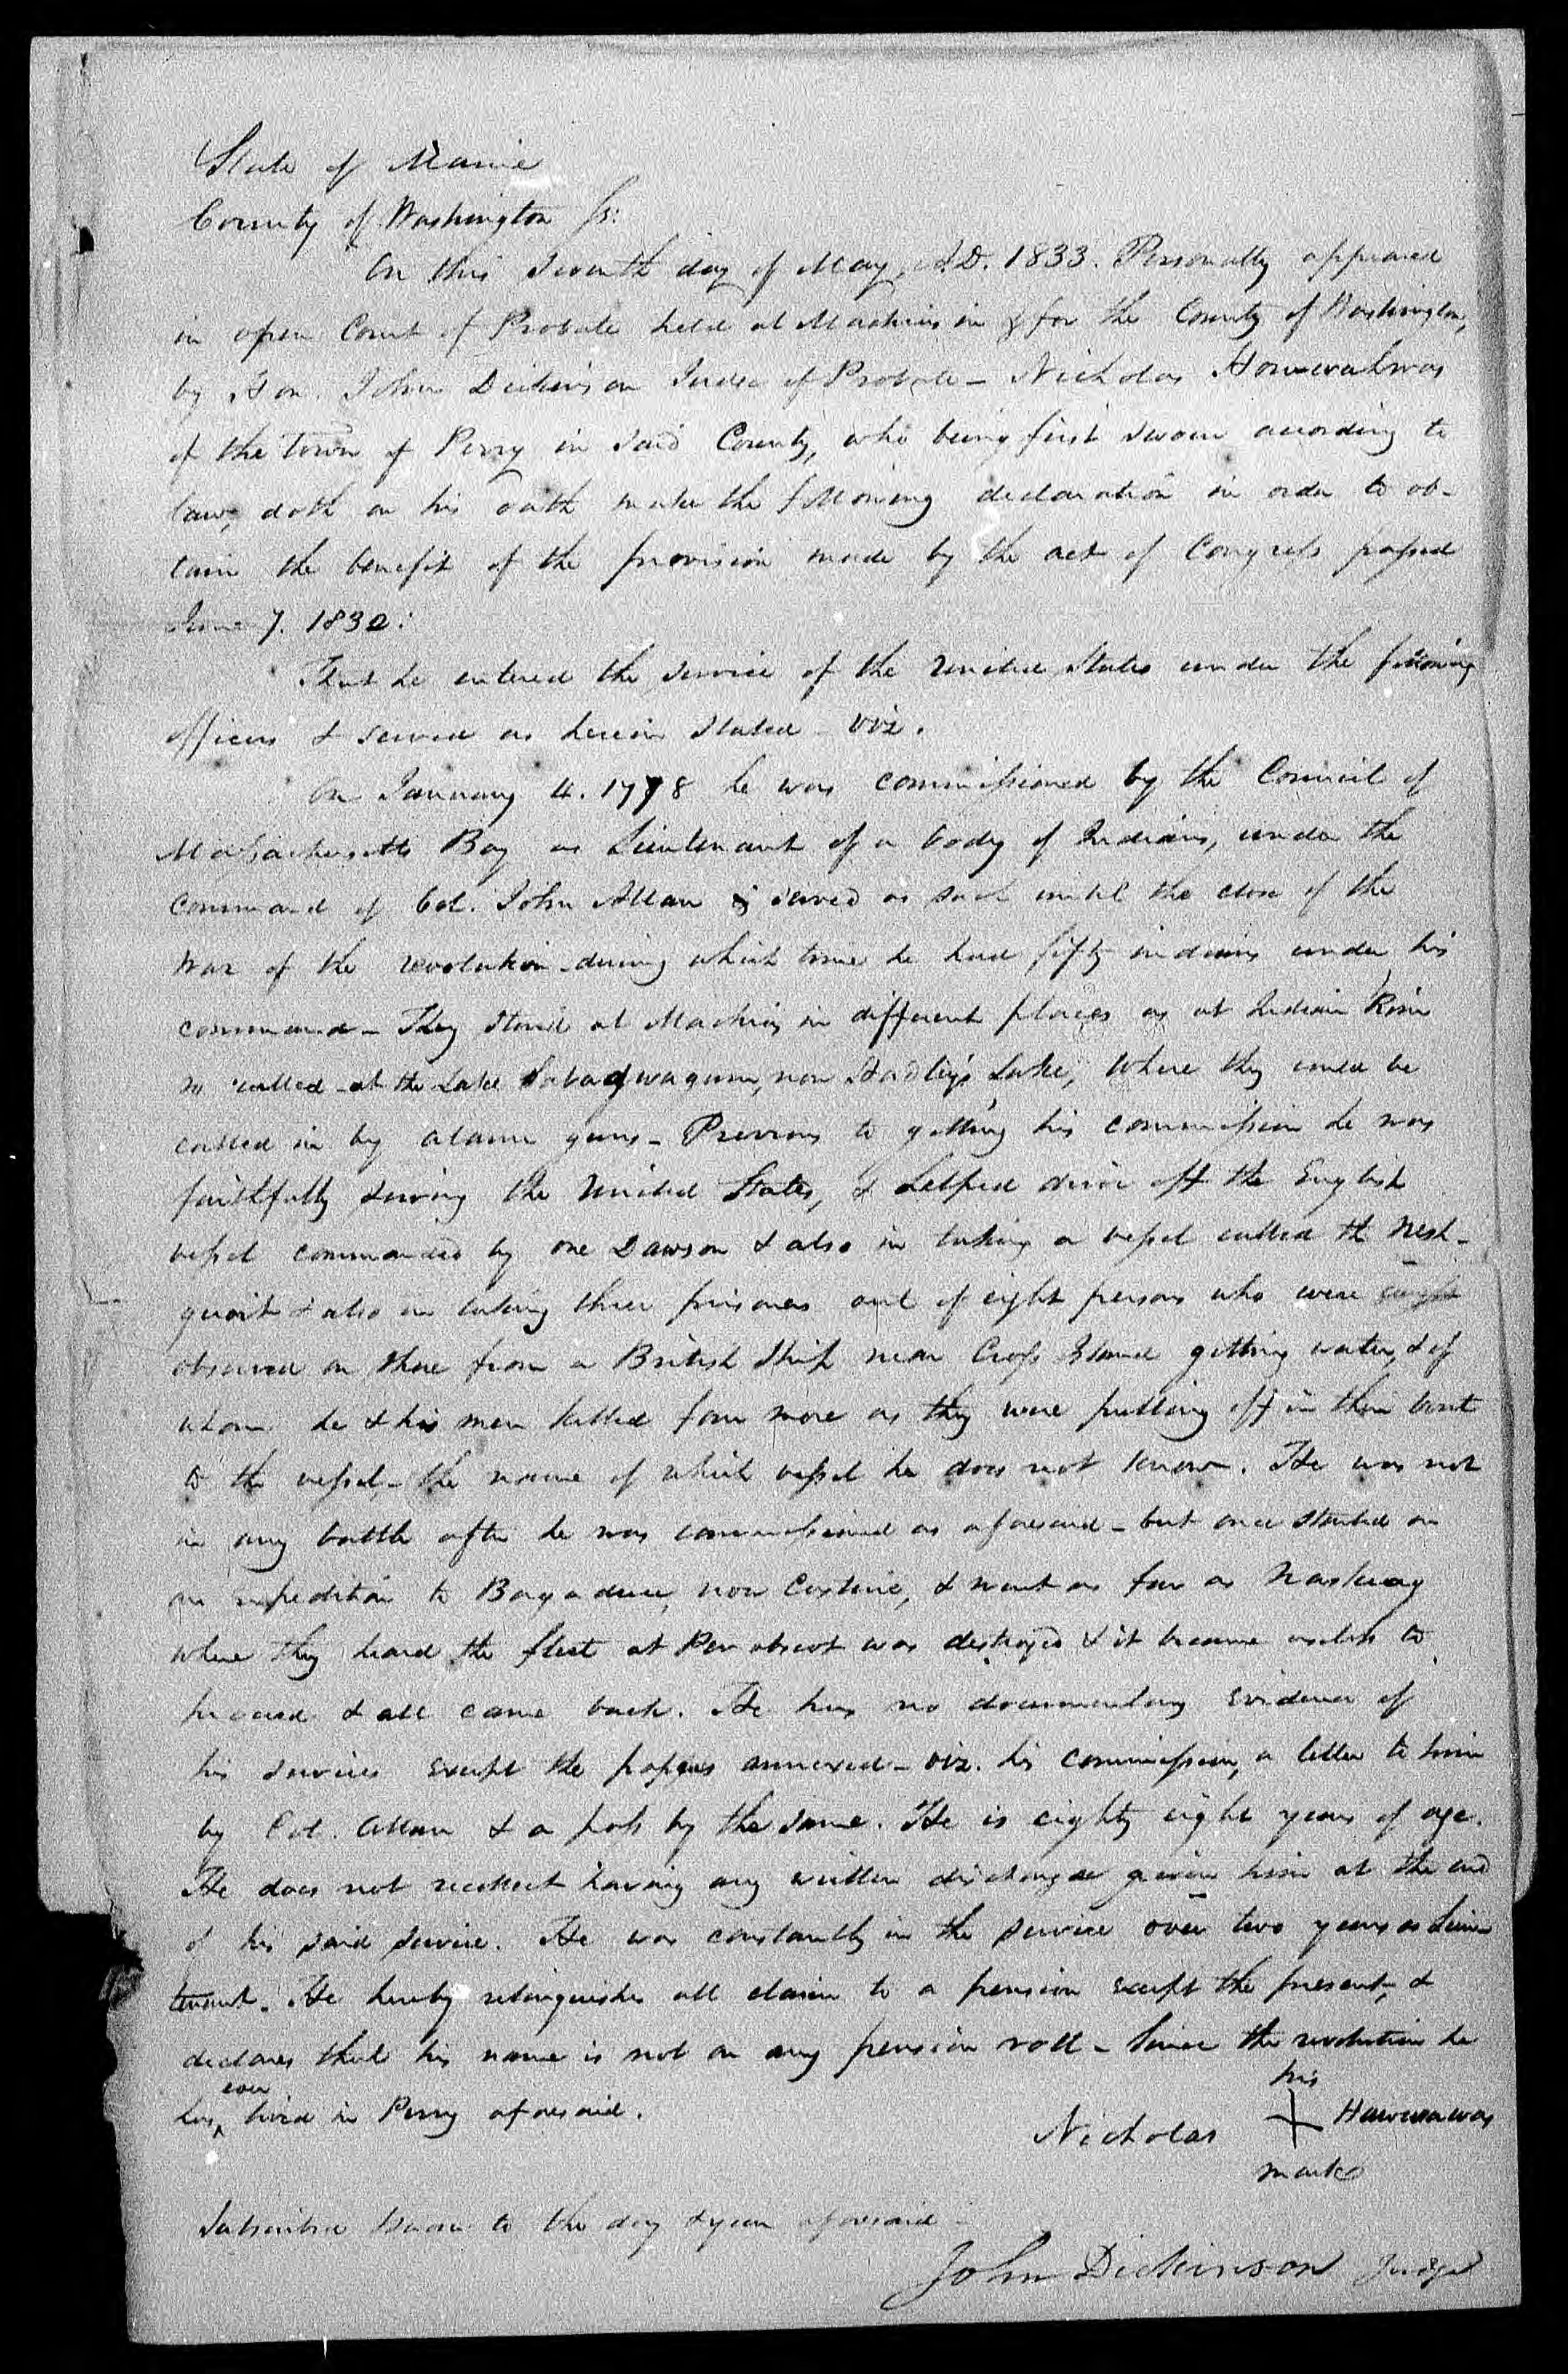State of Maine
County of Washington ss:

In this [Fourth?] day of May, A.D. 1833 Personally appeared
in open Court of Probate held at Machias in & for the County of Washington,
by, & in, John Dickens an [Indian?] of Probate – Nicholas Hawwahwas
of the Town of Perry in said County, who being first sworn according to
law, doth on his oath make the following declaration in order to ob-
tain the benefit of the provision made by the act of Congress passed
June 7, 1832:

That he entered the service of the United States under the following
officers & service as herein stated viz.

On January 4, 1778 he was commissioned by the Council of Massachusetts Bay as [illegible] and of a body of Indians, under the
command of Col. John Allan & served as such until the close of the
war of the revolution - during which time he had fifty indians under his
command – They [stand?] at Machias in different places as at Indian River
so called - at the Lake Sabasswagwum, now Hadley's Lake, where they could be
called in by alarm guns - Previous to gathing [gathering] his companions he was
faithfully during the United States, & helped run off the English
vessel commanded by one Dawson & also in taking a vessel called the West-
quint & also in taking their prisoners out of [illegible] persons who were caught
[obscured?] on there from a British ship near Cross Island getting water & of
whom he & his men killed four more as they were pulling off in this boat
to the vessel - the name of which vessel he does not know. He was not
in my battle after he was commissioned as aforesaid - but once started on an expedition to [Bagadun?], now [Costine?], & went so far as Marking
where they heard the fleet at Penobscot was destroyed & it became useless to
proceed & all came back. He has no documentary evidence of
his services except the papers annexed - viz. his commission, a letter to him
by Col. Allan & a pass by the same. He is eighty eight years of age.
He does not recollect having any written discharges given him at the end
of his said service. He was constantly in the service over two years as [Lines?]
[illegible]. He hereby relinquishes all claim to a pension except the present, &
declares that his name is not on any pension roll - Since the revolution he
has [even?[ hired in Perry aforesaid.

Nicholas his + mark Hawawawas

Subscribed & sworn to the day & year aforesaid.

John Dickerson Judge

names: Dawson, Nicholas Hawwawas, John Dickinson, Nicholas Hawwahwas, John Dickinson, Allan, John Allan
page: 3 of 52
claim: survivor's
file: S 17997, Nicholas Hawwawas, Mass.